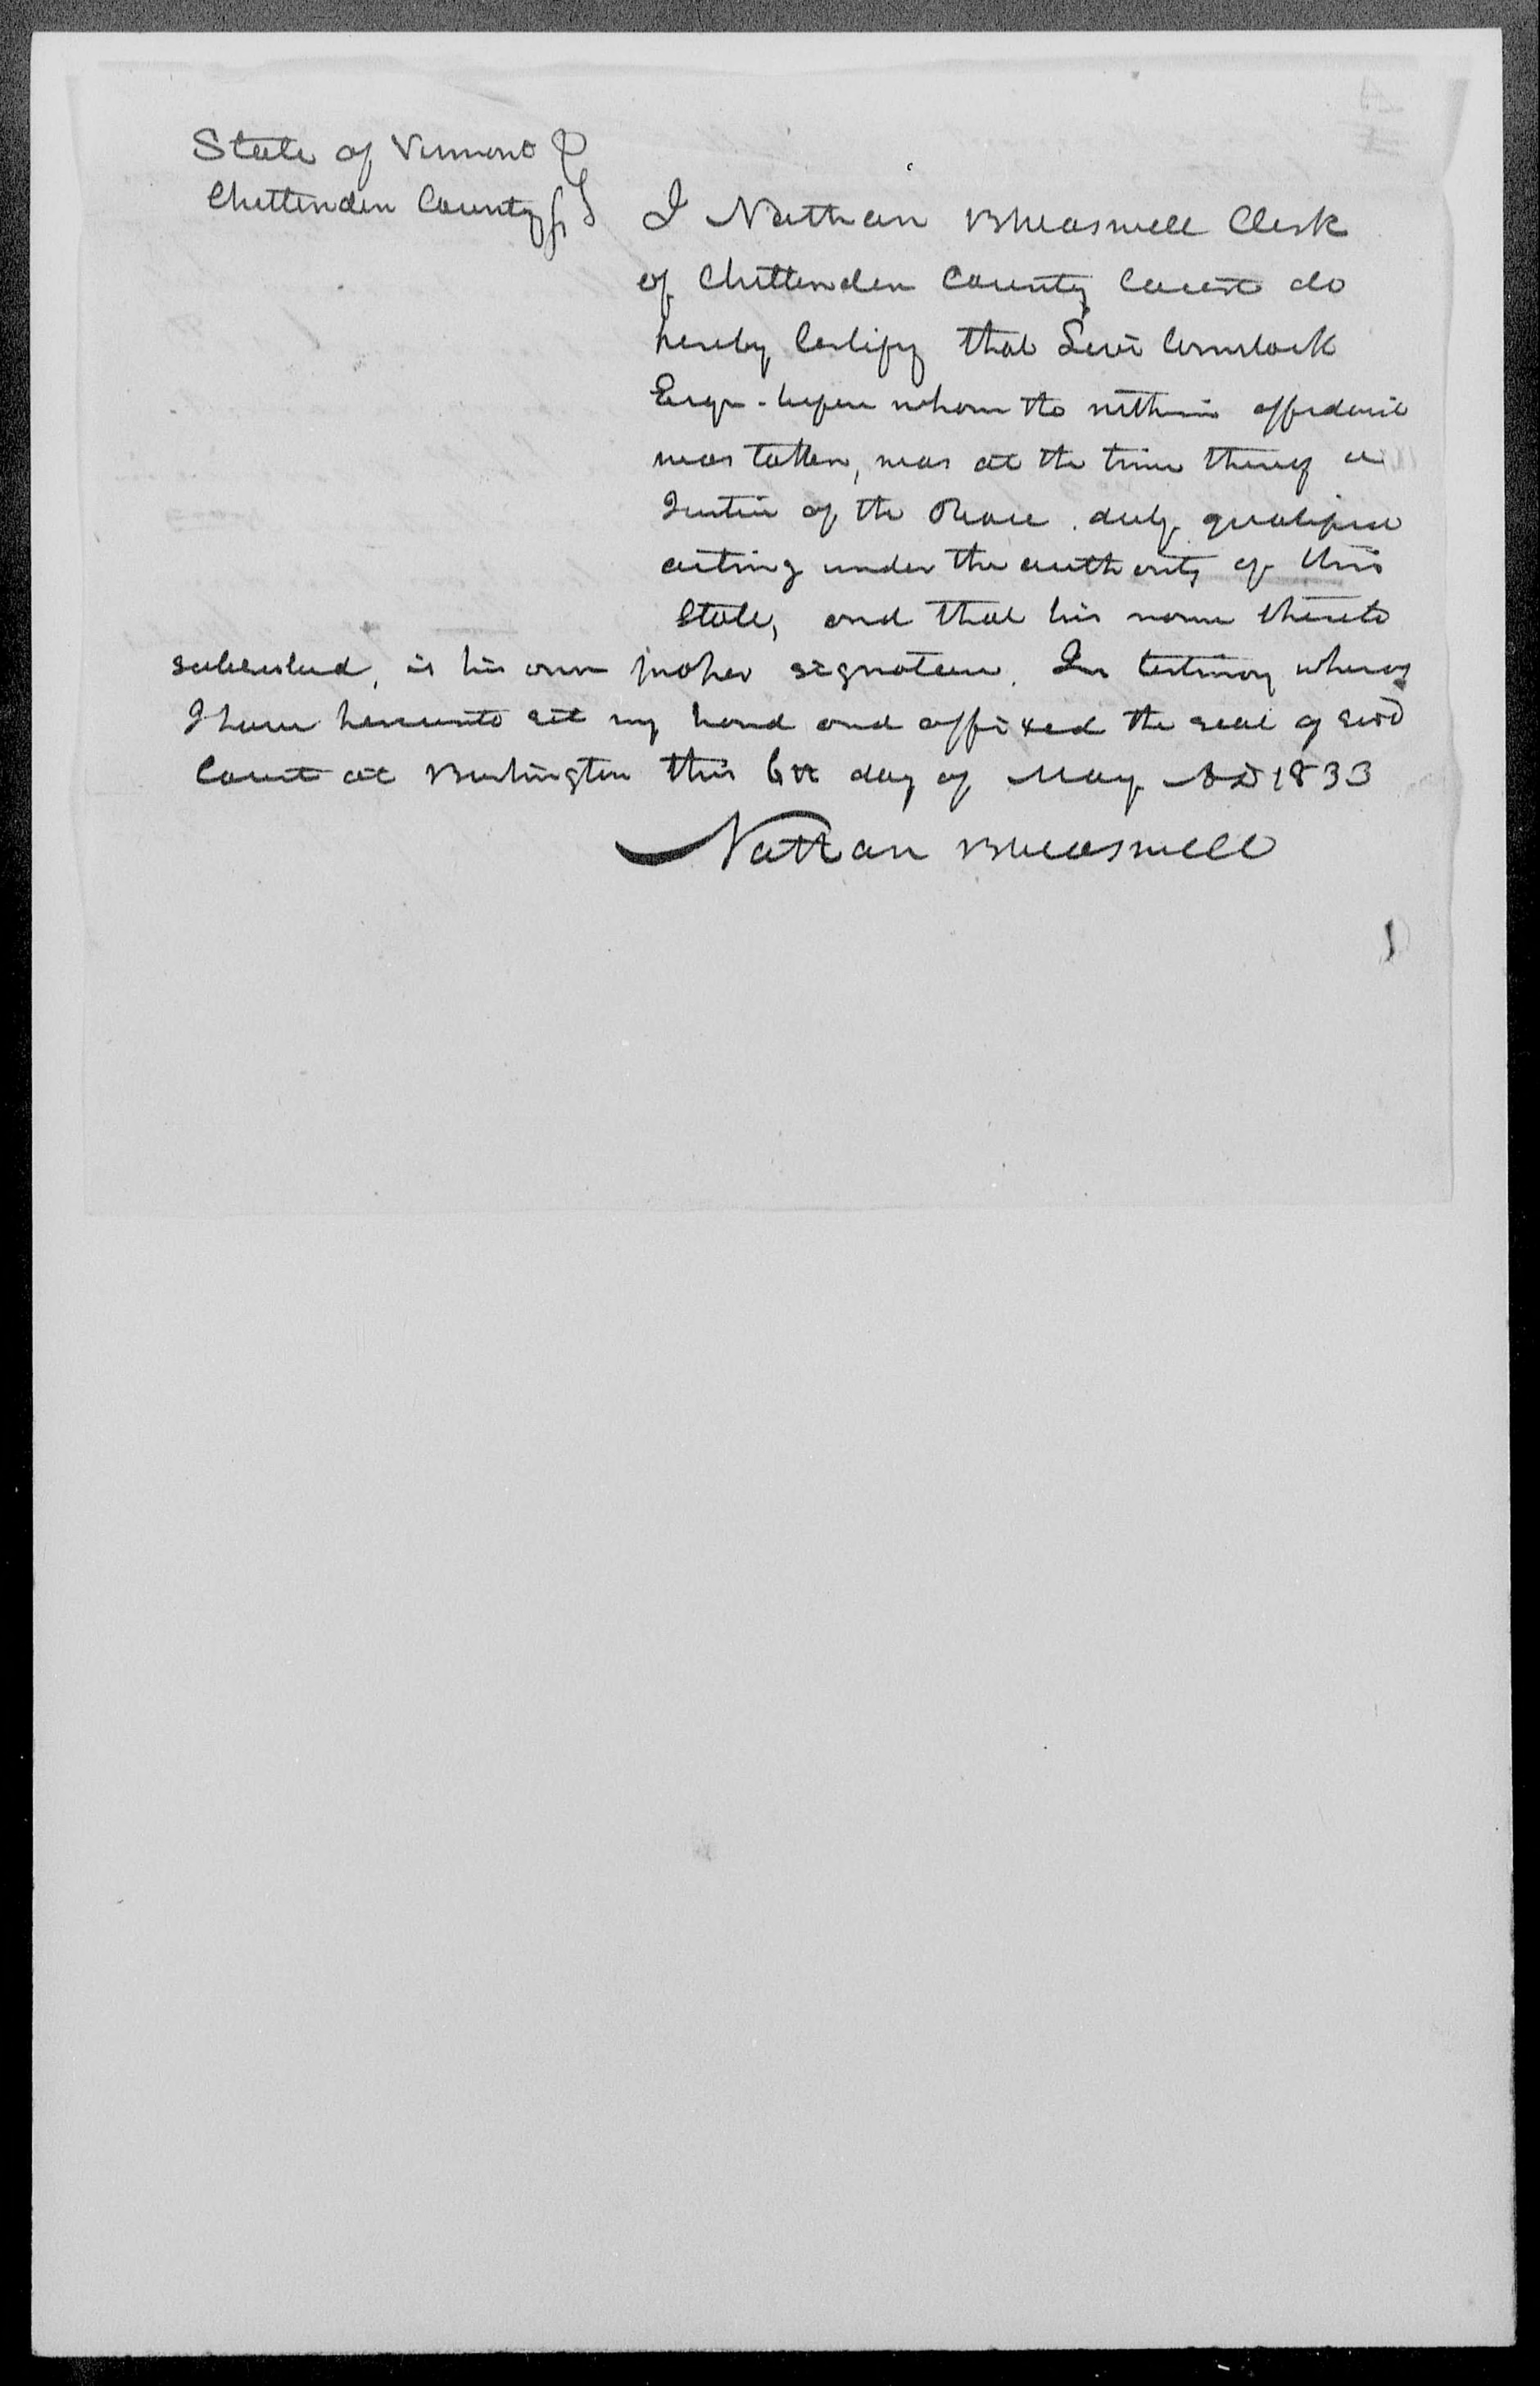State of Vermont
Chittenden County S.S. 
I Nathan B Maswell Clerk of Chittenden County Court do hereby certify that Levi Comstock Esqr. before whom the within affidavit was taken, was at the time thereof a Justice of the Peace duly qualified acting under the authority of this state, and that his name thereto subscribed, is his own proper signature. In testimony whereof I have hereunto set my hand and affixed the seal of said Court at Burlington this 6th day of May AD 1833
Nathan B Maswell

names: Nathan B Maswell, Nathan B Maswell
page: 6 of 21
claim: survivor's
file: S. 15356, Abijah Allen, Mass.